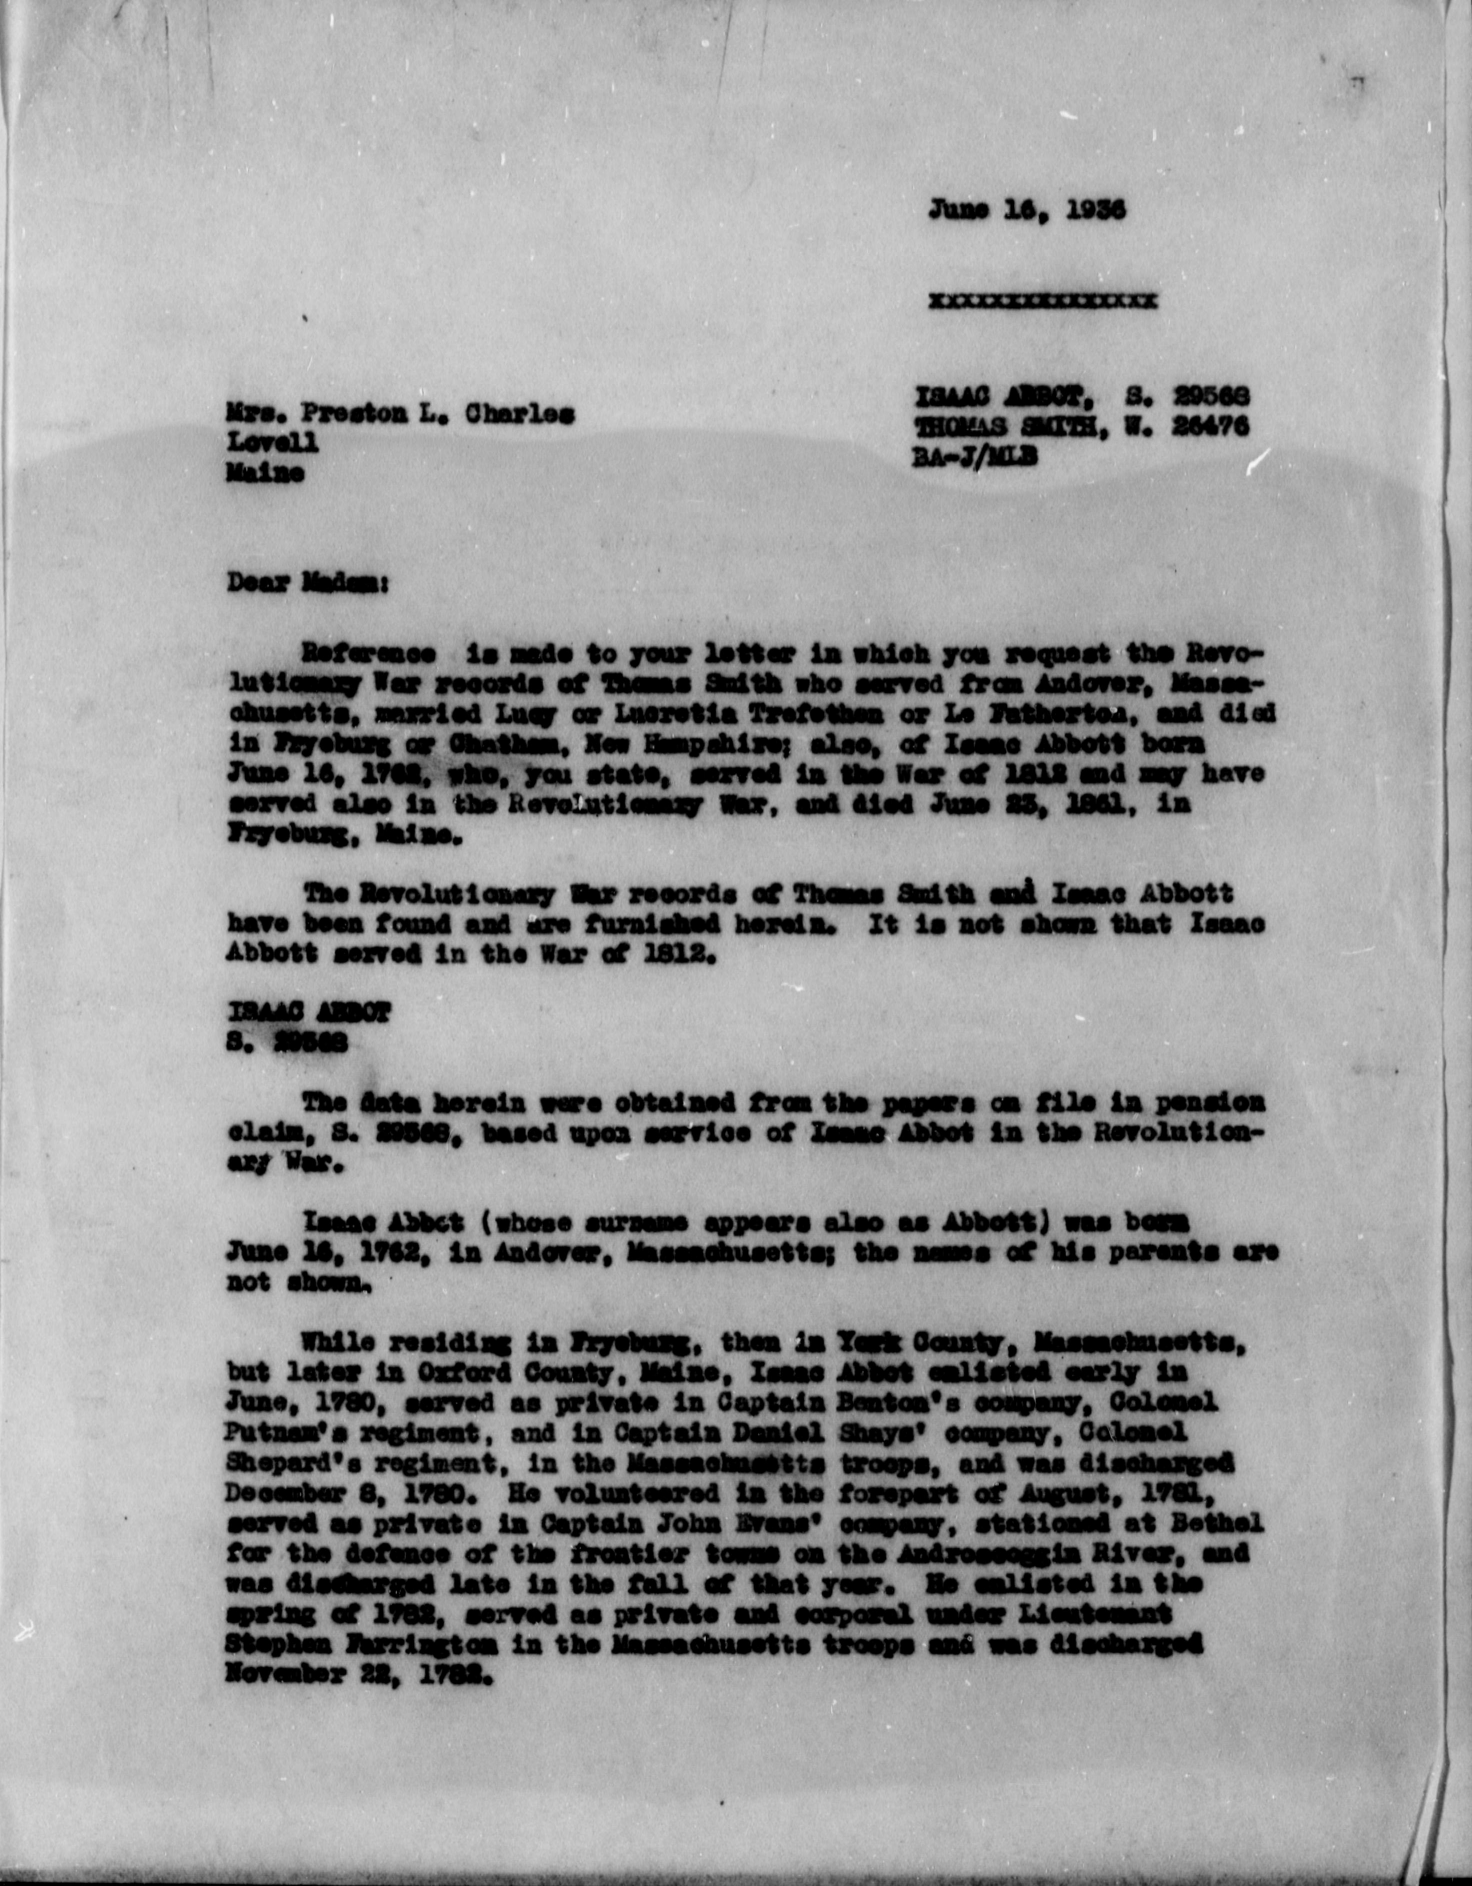June 16, 1936

xxxxxxxxxxxxxxx

ISAAC ABBOT, S. 29568
THOMAS SMITH, W. 26476
BA-J/MLB

Mrs. Preston L. Charles
Lovell
Maine

Dear Madam:

Reference is made to your letter in which you request the Revolutionary War records of Thomas Smith who served from Andover, Massachusetts, married Lucy or Lucretia Trefethen or LeFatherton, and died in Fryeburg or Chatham, New Hampshirel also, of Isaac Abbott, born June 16, 1762, who, you state, served in the War of 1812 and may have served in the Revolutionary War, and died June 23, 1861, in Fryeburg, Maine.

The Revolutionary War records of Thomas Smith and Isaac Abbott have been found and are furnished herein. It is not shown that Isaac Abbott served in the War of 1812.

ISAAC ABBOT
S. 29568

The data herein were obtained from the papers on file in person claim, S. 29568, based upon service of Isaac Abbot in the Revolutionary War.

Isaac Abbot (whose surname appears also as Abbott) was born June 16, 1762, in Andover, Massachusetts; the name of his parents are not shown.

While residing in Fryeburg, then in York County, Massachusetts, but later in Oxford County, Maine, Isaac Abbot enlisted early in June, 1780, served as private in Captain Benton's company, Colonel Putnam's regiment, and in Captain Daniel Shays' company, Colonel Shepard's regiment, in the Massachusetts troops, and was discharged December 8, 1780. He volunteered in the forepart of August, 1781,  served as private in Captain John Evans' company, stationed at Bethel for the defense of the frontier towns on the Androscoggin River, and was discharged late in the fall of that year. He enlisted in the Spring of 1782, served as private and corporal under Lieutenant Stephen Farrington in the Massachusetts troops and was discharged November 22, 1782.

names: Isaac Abbott, Thomas Smith, Abbott, Isaac Abbot, Isaac Abbot, Thomas Smith, Lucretia Trefethen, Isaac Abbott, Thomas Smith, Isaac Abbot, Lucy Trefethen, Preston L Charles, Stephen Farrington, Lucretia Le Fatherton, Isaac Abbot, Isaac Abbot, Lucy Le Fatherton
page: 84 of 86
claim: survivor's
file: S 29,568, Isaac Abbot, Mass